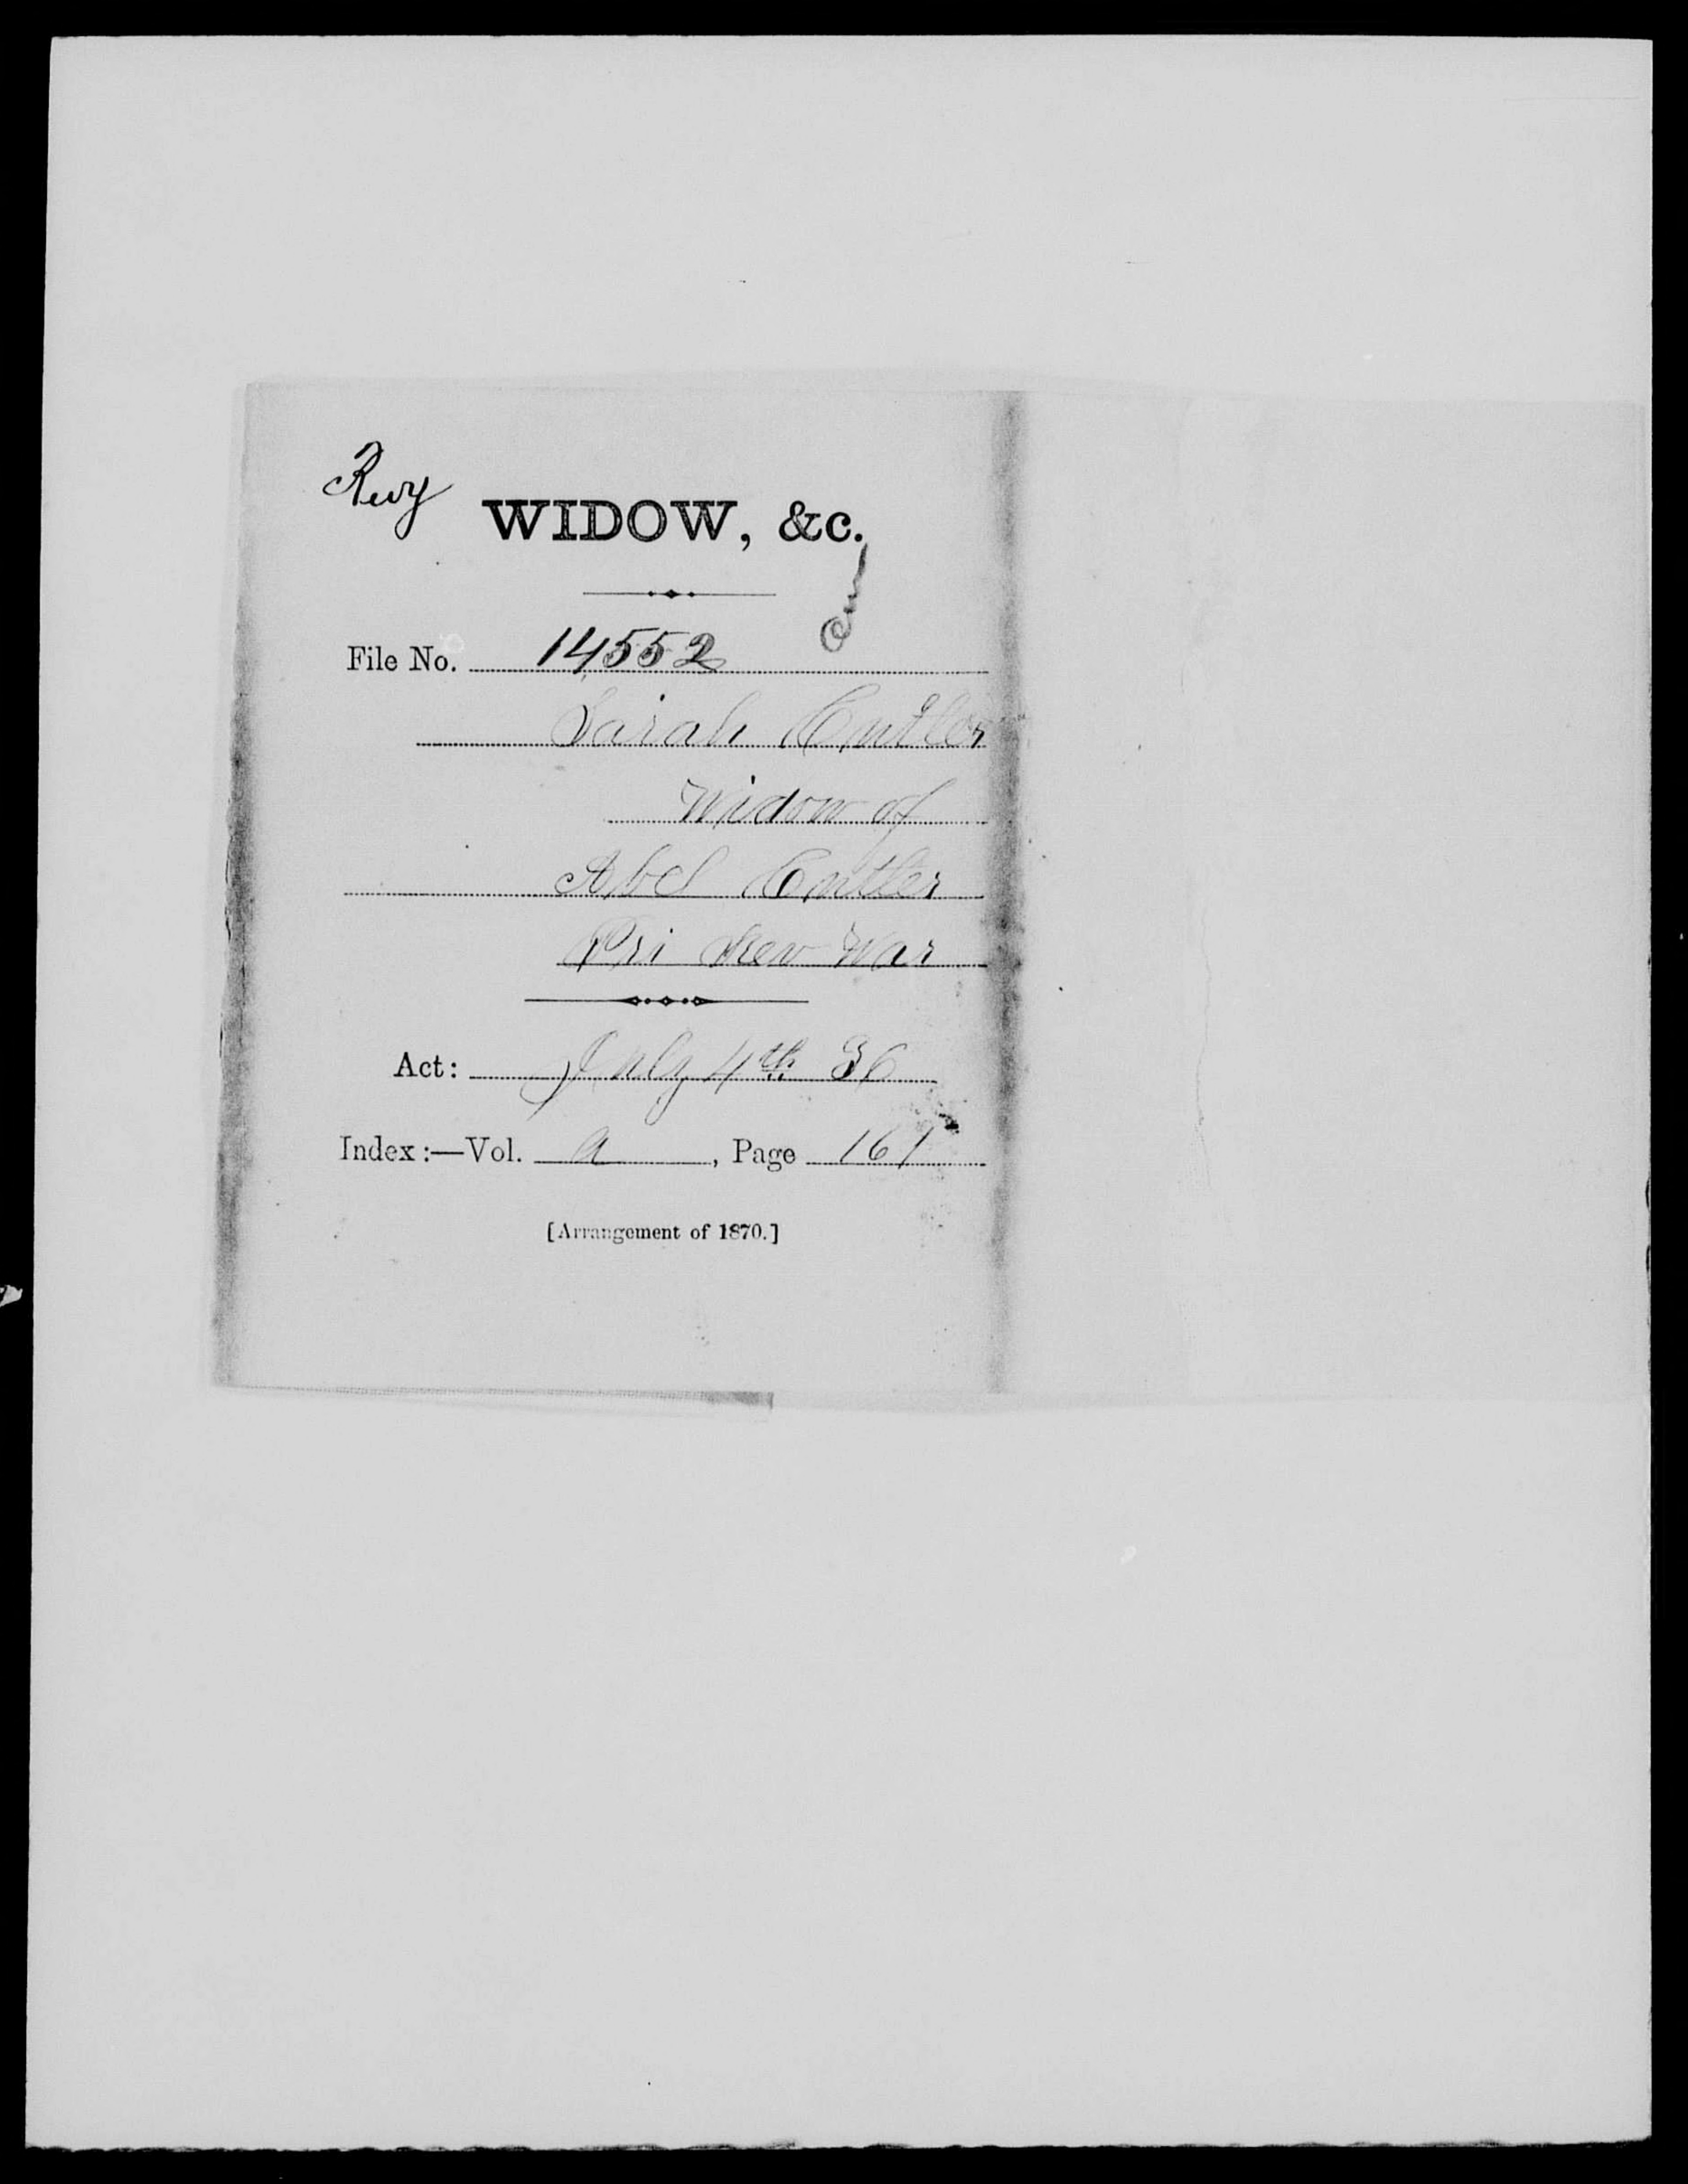Revy Widow etc
File No. 14552
Sarah Cutler
widow of Abel Cutler
Pri Rev War
Act Jul 4, '36
Index: Vol. A, Page 161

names: Sarah Cutler, Abel Cutler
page: 10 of 22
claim: widow's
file: W. 14,552, Abel Cutler, Mass.